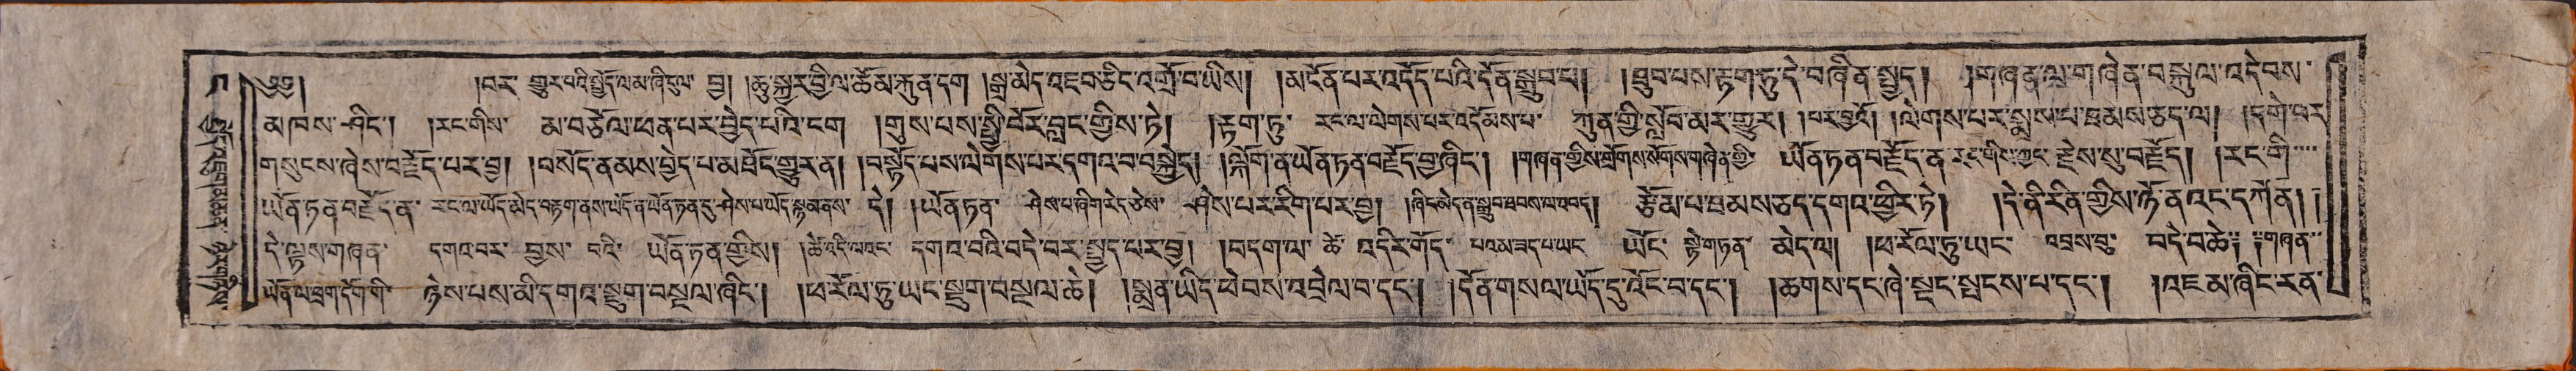༄༅། །བར་གྱུར་བའི་སྤྱོད་ལམ་ཞི་དུལ་བྱ། །ཆུ་སྐྱར་བྱི་ལ་ཆོམ་རྐུན་དག །སྒྲ་མེད་འཇབ་ཅིང་འགྲོ་བ་ཡིས། །མངོན་པར་འདོད་པའི་དོན་སྒྲུབ་པ། །ཐུབ་པས་རྟག་ཏུ་དེ་བཞིན་སྤྱད། །གཞན་ལ་གཞེན་བསྐུལ་
འདེབས་མཁས་ཤིང་། །རང་གིས་མ་བཅོལ་ཕན་པར་བྱེད་པའི་ངག །གུས་པས་སྤྱི་བོར་བླང་གྱིས་ཏེ། །རྟག་ཏུ་རང་ལ་ལེགས་པར་འདོམས་པ་ཀུན་གྱི་སློབ་མར་གྱུར། །པར་བྱའོ། །ལེགས་པར་སྨྲས་པ་ཐམས་ཅད་ལ། །དགེ་བར་
གསུངས་ཞེས་བརྗོད་པར་བྱ། །བསོད་ནམས་བྱེད་པ་མཐོང་གྱུར་ན། །བསྟོད་པས་ལེགས་པར་དགའ་བ་བསྐྱེད། །ལྐོག་ན་ཡོན་ཏན་བརྗོད་བྱ་ཞིང་། །གཞན་གྱིས་གྲོགས་སོགས་གཞན་གྱི་ཡོན་ཏན་བརྗོད་ན་རང་གིས་ཀྱང་རྗེས་སུ་བརྗོད། །རང་
གི་ཡོན་ཏན་བརྗོད་ན་རང་ལ་ཡོད་མེད་བརྟག་ནས་ཡོད་ན་ཡོན་ཏན་ལ་ཡོན་ཏན་དུ་ཤེས་པ་ཡོད་སྙམ་ནས་དེ། །ཡོན་ཏན་ཤེས་བཞིག་རེད་ཅེས་ཤེས་པར་རིག་པར་བྱ། །ཞིང་མེད་ན་སྒྲུབ་ཐབས་ལ་འབད། རྩོམ་པ་ཐམས་ཅད་དགའ་ཕྱིར་ཏེ། །དེ་ནི་རིན་གྱིས་ཉོ་ནའང་དཀོན། །དེ་ལྟས་གཞན་དགའ་བར་བྱས་པའི་ཡོན་ཏན་གྱིས། །ཚེ་འདི་ལའང་དགའ་བའི་བདེ་བ་སྤྱད་པར་བྱ། །བདག་ལ་ཚེ་འདིར་གོད་པའམ་ཟད་པ་ཡང་ཡོད་སྟེ་གཏན་མེད་ལ། །ཕ་རོལ་ཏུ་ཡང་འབྲས་བུ་བདེ་
བ་ཆེ༑ ༑གཞན་ཡོན་ལ་ཕྲག་དོག་གི་ཉེས་པས་མི་དགའ་སྡུག་བསྔལ་ཞིང་། །ཕ་རོལ་ཏུ་ཡང་སྡུག་བསྔལ་ཆེ། །སྨྲན་ཡིད་ཕེབས་འབྲེལ་བ་དང་། །དོན་གསལ་ཡིད་དུ་འོང་བ་དང་། །ཆགས་དང་ཞེ་སྡང་སྤངས་པ་དང་། །འཇམ་ཞིང་རན་